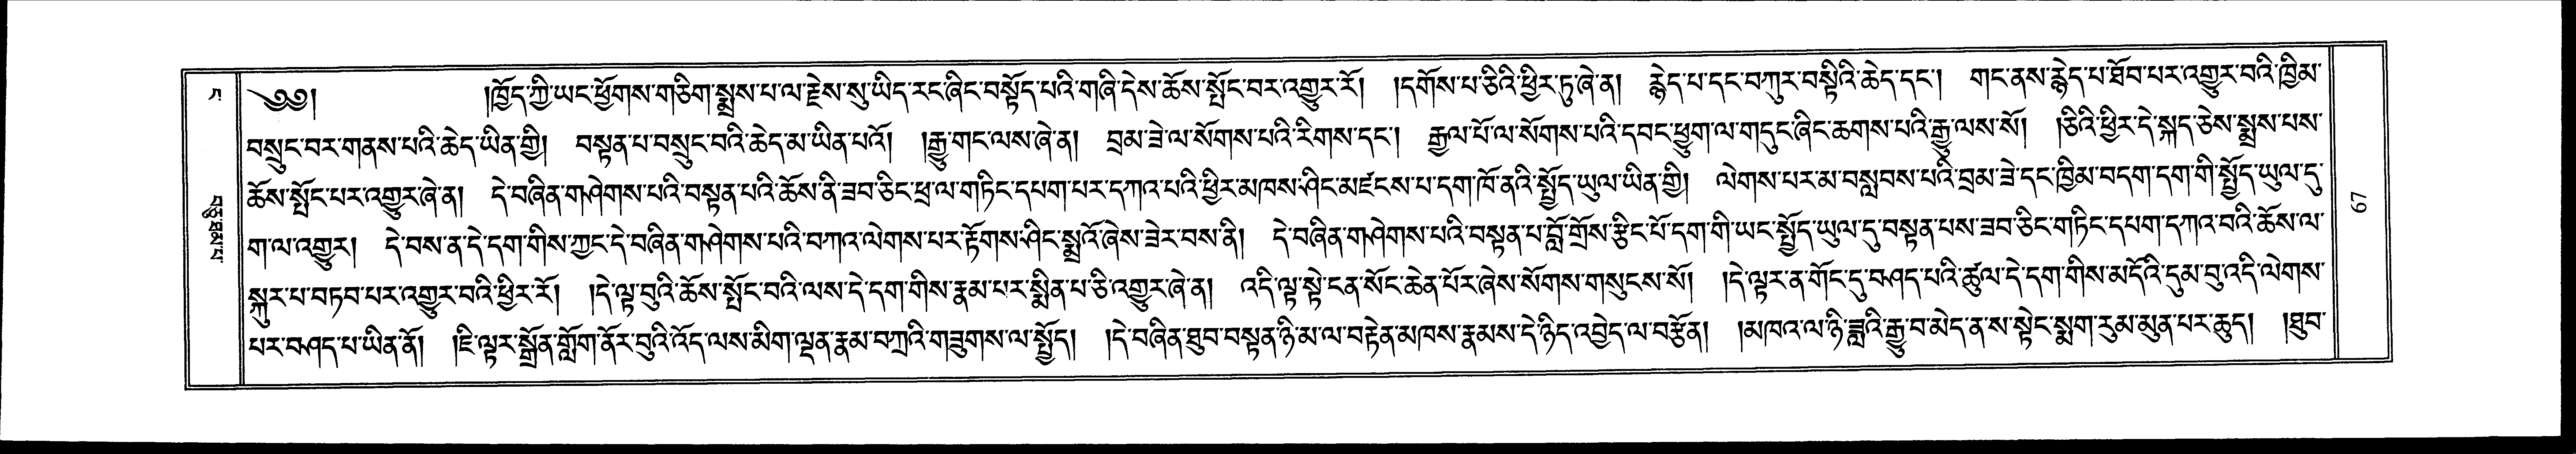༄༅། །ཁྱོད་ཀྱི་ཡང་ཕྱོགས་གཅིག་སྨྲས་པ་ལ་རྗེས་སུ་ཡིད་རང་ཞིང་བསྟོད་པའི་གཞི་དེས་ཆོས་སྤོང་བར་འགྱུར་རོ། །དགོས་པ་ཅིའི་ཕྱིར་ཏུ་ཞེ་ན། རྙེད་པ་དང་བཀུར་བསྟིའི་ཆེད་དང་། གང་ནས་རྙེད་པ་ཐོབ་པར་འགྱུར་བའི་ཁྱིམ་
བསྲུང་བར་གནས་པའི་ཆེད་ཡིན་གྱི། བསྟན་པ་བསྲུང་བའི་ཆེད་མ་ཡིན་པའོ། །རྒྱུ་གང་ལས་ཞེ་ན། བྲམ་ཟེ་ལ་སོགས་པའི་རིགས་དང་། རྒྱལ་པོ་ལ་སོགས་པའི་དབང་ཕྱུག་ལ་གདུང་ཞིང་ཆགས་པའི་རྒྱུ་ལས་སོ། ། ཅིའི་ཕྱིར་དེ་སྐད་ཅེས་སྨྲས་པས་
ཆོས་སྤོང་པར་འགྱུར་ཞེ་ན། དེ་བཞིན་གཤེགས་པའི་བསྟན་པའི་ཆོས་ནི་ཟབ་ཅིང་ཕྲ་ལ་གཏིང་དཔག་པར་དཀའ་པའི་ཕྱིར་མཁས་ཤིང་མཛངས་པ་དག་ཁོ་ནའི་སྤྱོད་ཡུལ་ཡིན་གྱི། ལེགས་པར་མ་བསླབས་པའི་བྲམ་ཟེ་དང་ཁྱིམ་བདག་དག་གི་སྤྱོད་ཡུལ་དུ་
ག་ལ་འགྱུར། དེ་བས་ན་དེ་དག་གིས་ཀྱང་དེ་བཞིན་གཤེགས་པའི་བཀའ་ལེགས་པར་རྟོགས་ཤིང་སྨྲའོ་ཞེས་ཟེར་བས་ནི། དེ་བཞིན་གཤེགས་པའི་བསྟན་པ་བློ་གྲོས་རྩིང་པོ་དག་གི་ཡང་སྤྱོད་ཡུལ་དུ་བསྟན་པས་ཟབ་ཅིང་གཏིང་དཔག་དཀའ་བའི་ཆོས་ལ་
སྐུར་པ་བཏབ་པར་འགྱུར་བའི་ཕྱིར་རོ། །དེ་ལྟ་བུའི་ཆོས་སྤོང་བའི་ལས་དེ་དག་གིས་རྣམ་པར་སྨིན་པ་ཅི་འགྱུར་ཞེ་ན། འདི་ལྟ་སྟེ་ངན་སོང་ཆེན་པོར་ཞེས་སོགས་གསུངས་སོ། །དེ་ལྟར་ན་གོང་དུ་བཤད་པའི་ཚུལ་དེ་དག་གིས་མདོའི་དུམ་བུ་འདི་ལེགས་
པར་བཤད་པ་ཡིན་ནོ། །ཇི་ལྟར་སྒྲོན་གློག་ནོར་བུའི་འོད་ལས་མིག་ལྡན་རྣམ་བཀྲའི་གཟུགས་ལ་སྤྱོད། །དེ་བཞིན་ཐུབ་བསྟན་ཉི་མ་ལ་བརྟེན་མཁས་རྣམས་དེ་ཉིད་འབྱེད་ལ་བརྩོན། །མཁའ་ལ་ཉི་ཟླའི་རྒྱུ་བ་མེད་ནས་སྟེང་སྨག་རུམ་མུན་པར་ཆུད། །ཐུབ་